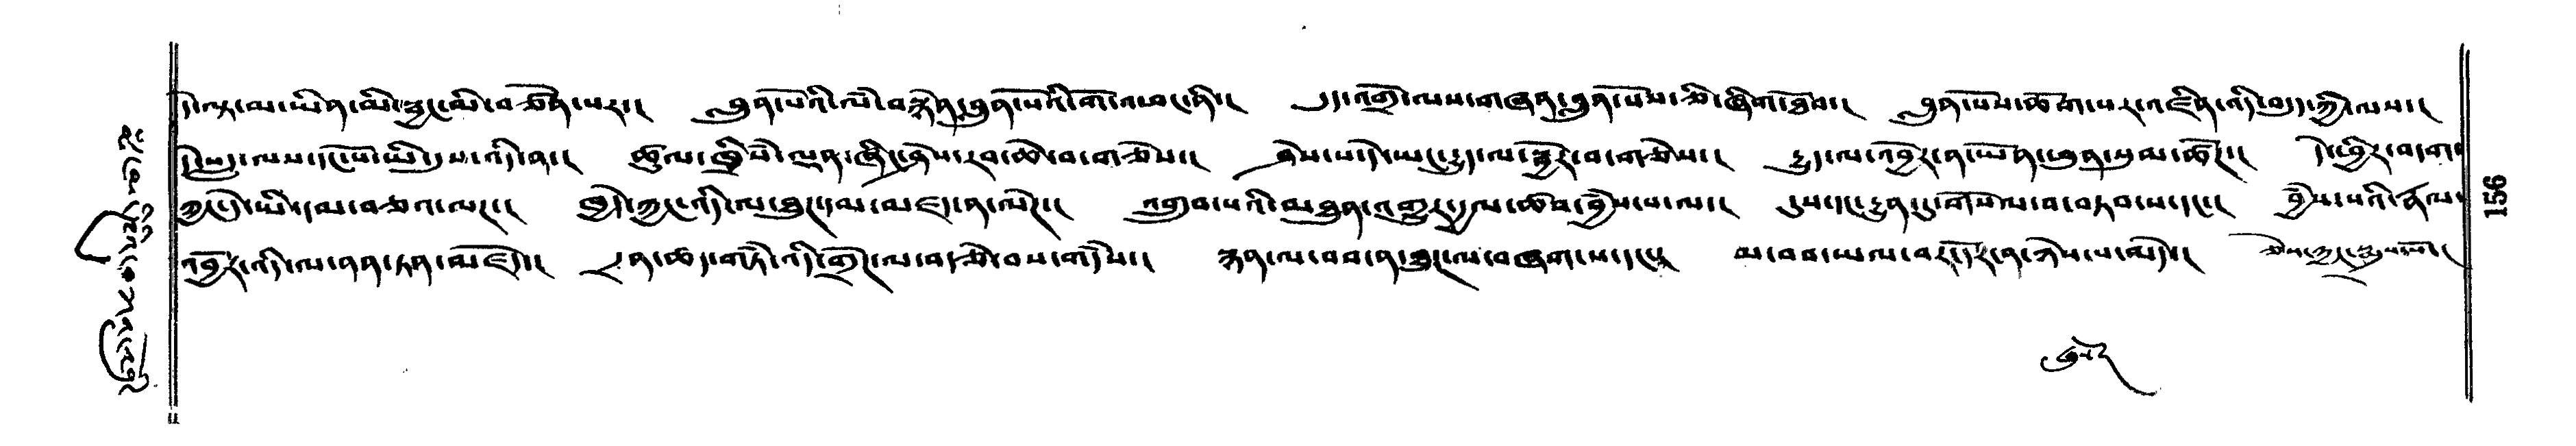།དེ་ལྟ་མ་ཡིན་མི་སྦྱོང་མི་བརྩོན་པར། །བླུན་པོའི་ལམ་བསྙེན་བླུན་པོའི་གོ་འཕང་ནི། །དུད་འགྲོ་ལས་གཞན་བླུན་པོས་ཅི་ཞིག་ཐོབ། །བླུན་པོས་ཆོག་པར་འཛིན་འདི་བདུད་ཀྱི་ལས། །
དེ་སླད་དང་པོའི་ལས་ཀྱི་དུས་འདི་ན། །ཚུལ་ཁྲིམས་ལྡན་ཞིང་ཤེས་རབ་ཆེ་བ་གཅེས། །ཤེས་པ་དེ་ཡང་རྒྱུད་ལ་སྦྱོར་བ་གཅེས། །རྒྱུད་ལ་འབྱོར་ན་ཡོན་ཏན་ཕུན་སུམ་ཚོགས། །དེ་ཕྱིར་བདག་
ཀྱང་དེ་ཡི་དམ་བཅའ་ལགས། ཁྱེད་ཀྱང་འདི་ལ་ཐུགས་དམ་མཛད་ན་ལེགས། །འགྲུབ་པའི་མཐུན་འགྱུར་རྒྱལ་ཚབ་བྱམས་པ་ལ། །དུས་དང་རྒྱུན་དུ་གསོལ་བ་འདེབས་པ་དང་། །བྱམས་པའི་རྣལ་
འབྱོར་འདི་ལ་ནན་ཏན་མཛོད། །དྲན་ཚད་གཏམ་འདི་གྲོགས་ལ་བརྩེ་བས་གདམས། །སྙན་ལ་བབས་ན་ཐུགས་ལ་འཇོག་པ་དང་། །མ་བབས་ཡལ་བར་དོར་ཀྱང་ཉེས་པ་མེད། ཅེས་ཀྱང་སྨྲས་སོ།། 
བཀྲ་ཤིས།།